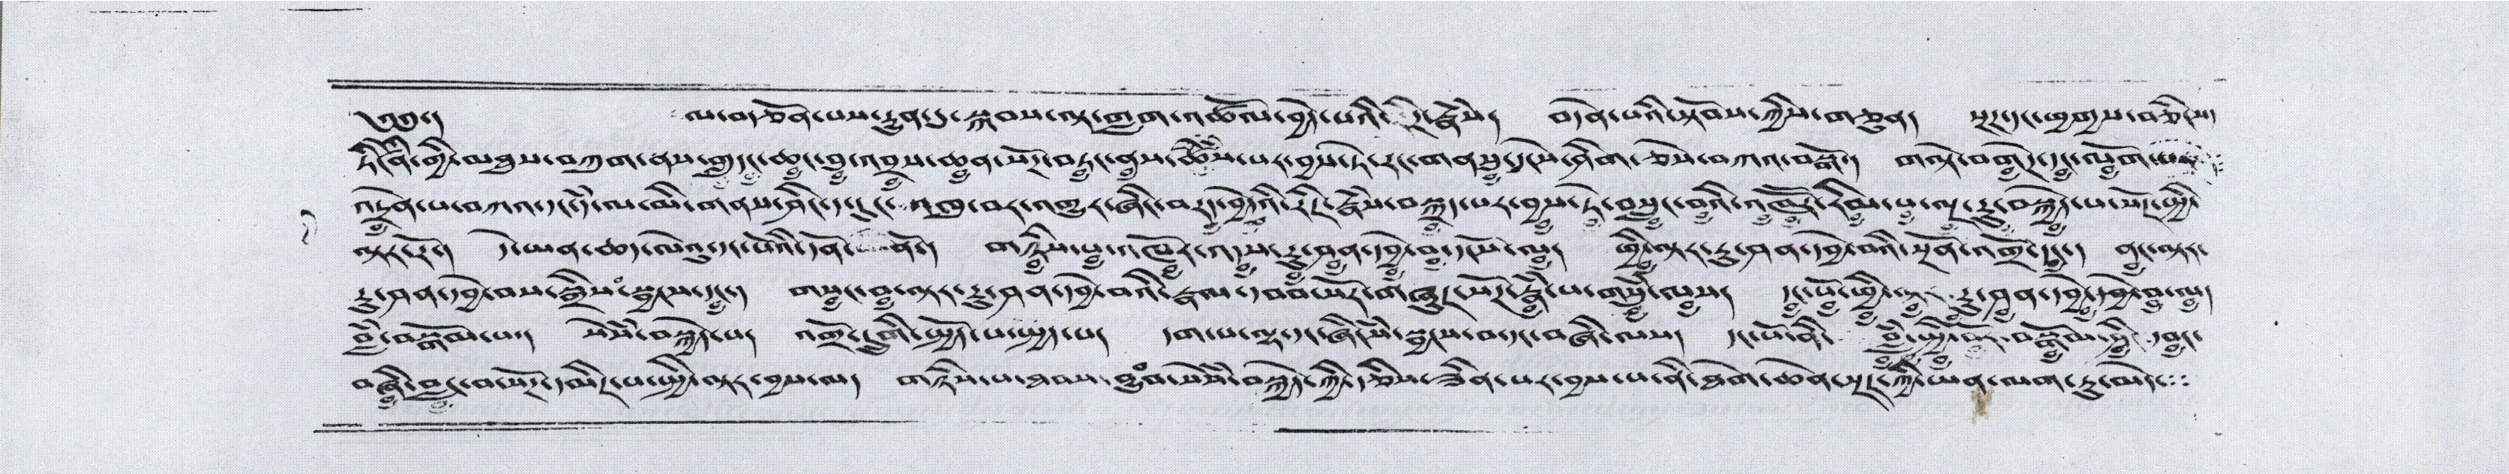ལ་བརྩོན་པས་རྒྱུན་དུ་སྐབས་ལྟ་གླགས་འཚོལ་བྱེད་པའི་རིགས་རྣམས། བདེན་པའི་སྟོབས་ཀྱིས་གཅུན། སྔགས་དང་ཕྱག་རྒྱས་བཅིངས། 
ཏིང་འཛིན་གྱི་མཐུས་བཀུག་ནས་གླུད་དང་ཆང་བུ་འབྲས་ཆན་སོགས་བཏང་ནས་ཚིམས་པར་བྱས་ཏེ་རང་གནས་སུ་དེངས་ཤིག་ཅེས་བཀའ་བསྒོ། གལ་ཏེ་བགེགས་དང་ལོག་པར་
འདྲེན་པ་བཀའ་དང་དམ་ལ་མི་གནས་ཤིང་ད་དུང་འཁུ་བར་འགྱུར་ཞིང་བར་ཆད་བྱེད་པའི་རིགས་རྣམས་བསྐྲད་པར་བྱས་ཏེ་བསྲུང་བའི་འཁོར་ལོ་རིམ་པ་ལྔ་རུ་བསྐྱེད་པ་སོགས་སྤྱི་
ལྟར་རོ། དེ་ཡན་ཆད་ལེའུ་དང་པོའི་དོན་ནོ། །གཉིས་པ་འཁོར་འདས་རུ་ཤན་དབྱེ་བ་དངོས་ལ། ཕྱི་ལྟར་རུ་ཤན་དབྱེ་བའི་སྔོན་འགྲོ་དང་། ནང་ལྟར་
རུ་ཤན་དབྱེ་བས་སྒྲིབ་སྦྱང་དང་། གསང་བ་རུ་ཤན་དབྱེ་བའི་རྣལ་དབབ་སོར་གཞུག་སོགས་རྣམ་པ་གསུམ་ལས། དང་པོ་ཕྱི་ལྟར་རུ་ཤན་དབྱེ་བ་ལ། 
བླ་མ་བསྒོམ་པ། སེམས་བསྐྱེད་པ། འགྲོ་དྲུག་གི་སྤྱོད་པ་སྤྱད་པ། དག་པ་ལྷ་དང་ཞིང་ཁམས་སྦྱངས་པ་དང་བཞི་ལས། དང་པོ་ནི། བླ་མ་སྤྱི་བོར་བསྒོམ་ཞིང་དབང་
བཞི་བླང་བ་སོགས་དམིགས་པ་སྤྱི་ལྟར་བྱས་ལ། གཉིས་པ་ཐབས་བྱང་ཆུབ་སེམས་ཀྱིས་རྩིས་ཟིན་པར་བྱས་པ་ནི་ཐེག་ཆེན་སྔགས་ཀྱི་ཡན་ལག་ཏུ་མེད་ཐབས་མེད་དེ།